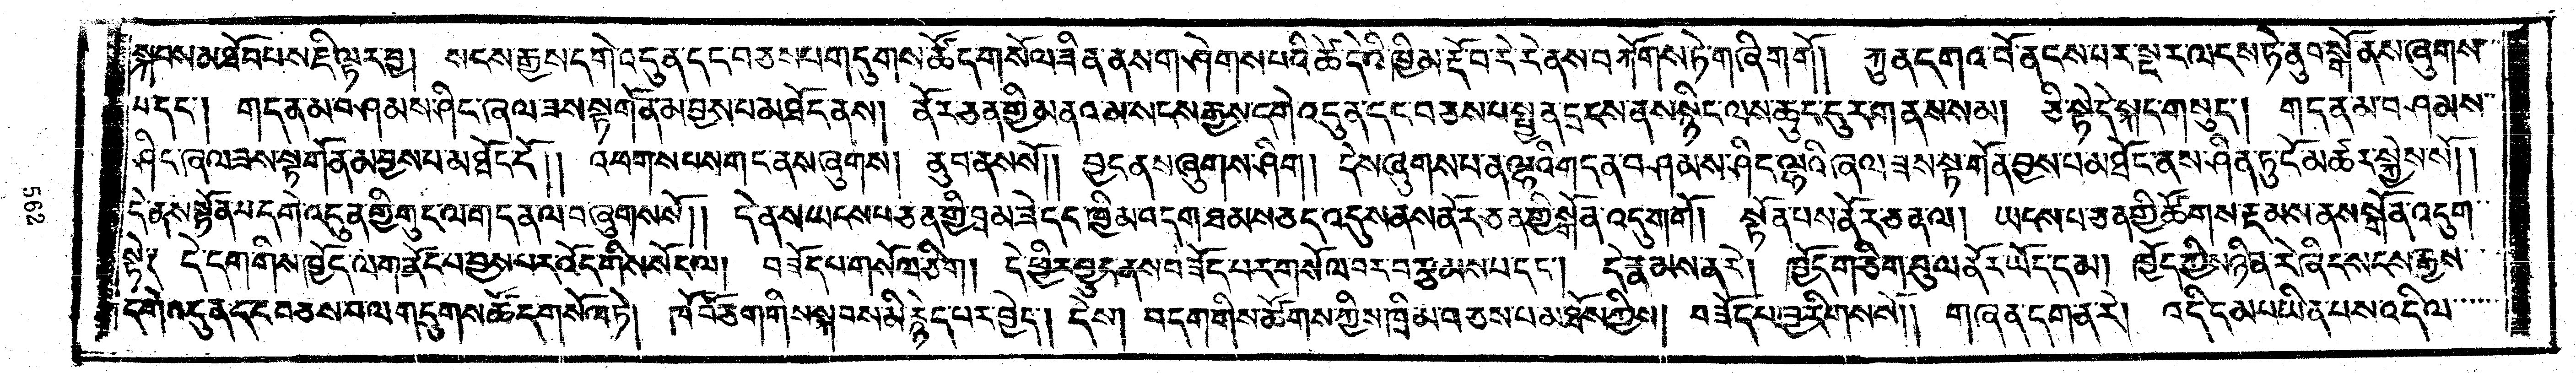སྐབས་མཐོབ་པས་ཇི་ལྟར་བྱ། སངས་རྒྱས་དགེ་འདུན་དང་བཅས་པ་གདུགས་ཚོད་གསོལ་ཟིན་ནས་གཤེགས་པའི་ཚེ་དེའི་ཁྱིམ་རྡོ་བ་རེ་རེ་ནས་བཀོགས་ཏེ་གཞིག་གོ། ཀུན་དགའ་བོ་ནངས་པར་སྔར་ལངས་ཏེ་ནུབ་སྒོ་ནས་ཞུགས་
པ་དང་། གདན་མ་བཤམས་ཤིང་ཞལ་ཟས་སྟ་གོན་མ་བྱས་པ་མཐོང་ནས། ནོར་ཅན་གྱི་མནའ་མ་སངས་རྒྱས་དགེ་འདུན་དང་བཅས་པ་སྤྱན་དྲངས་ནས་སྙིང་ལས་ཆུང་དུར་གནས་སམ། ཅི་སྟེ་དེ་སྐད་གསུང་། གདན་མ་བཤམས་
ཤིང་ཞལ་ཟས་སྟ་གོན་མ་བྱས་པ་མཐོང་ངོ།། འཕགས་པས་གང་ནས་ཞུགས། ནུབ་ནས་སོ།། བྱང་ནས་ཞུགས་ཤིག། དེས་ཞུགས་པ་ན་ལྷའི་གདན་བཤམས་ཤིང་ལྷའི་ཞལ་ཟས་སྟ་གོན་བྱས་པ་མཐོང་ནས་ཤིན་ཏུ་ངོ་མཚར་སྐྱེས་སོ།།
དེ་ནས་སྟོན་པ་དགེ་འདུན་གྱི་གུང་ལ་གདན་ལ་བཞུགས་སོ།། དེ་ནས་ཡངས་པ་ཅན་གྱི་བྲམ་ཟེ་དང་ཁྱིམ་བདག་ཐམས་ཅད་འདུས་ནས་ནོར་ཅན་གྱི་སྒོན་འདུག་གོ། སྟོན་པས་ནོར་ཅན་ལ། ཡངས་པ་ཅན་གྱི་ཚོགས་རྡམས་ནས་སྒོན་འདུག་
སྟེ༑ དེ་དག་གིས་ཁྱོད་ལ་གནོད་པ་བྱས་པར་འོད་གིས་སོང་ལ། བཟོད་པ་གསོལ་ཅིག། དེ་ཕྱིར་བྱུང་ནས་བཟོད་པར་གསོལ་བར་བརྩམས་པ་དང་། དེ་རྣམས་ན་རེ། ཁྱོད་གཅིག་བུ་ལ་ནོར་ཡོད་དམ། ཁྱོད་ཀྱིས་ཉིན་རེ་ཞིང་སངས་རྒྱས་
དགེ་འདུན་དང་བཅས་པ་ལ་གདུགས་ཚོད་གསོལ་ཏེ། ཁོ་བོ་ཅག་གིས་སྐབས་མི་རྙེད་པར་བྱེད། དེས། བདག་གིས་ཚོགས་ཀྱིས་ཁྲིམ་བཅས་པ་མཐོས་ཀྱིས། བཟོད་པ་བྱ་རིགས་སོ།། གཞན་དག་ན་རེ། འདི་དམ་པ་ཡིན་པས་འདི་ལ་